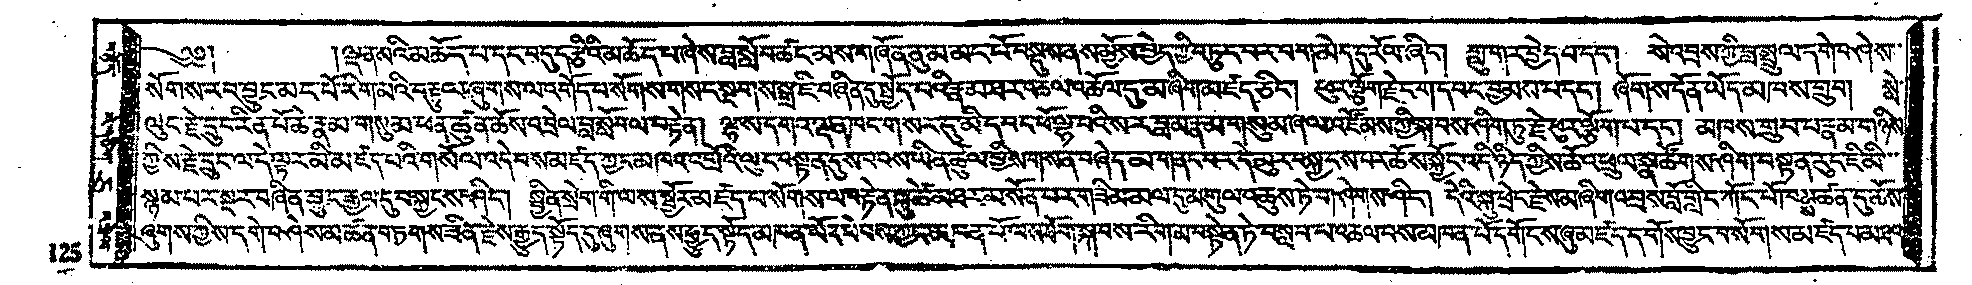༄༅། །ལྡན་མའི་མཆོད་པ་དང་བདུད་རྩིའི་མཆོད་པ་ཞེས་བླ་སློབ་ཚང་མས་གཞོན་ནུ་མ་མང་པོ་བསྡུས་ནས་མྱོས་བྱེད་ཀྱི་བཏུང་བར་བག་མེད་དུ་རོལ་ཞིང་། གླུ་གར་བྱེད་པ་དང་། སེ་འབྲས་ཀྱི་བླ་སྤྲུལ་དགེ་བཤེས་
སོགས་རབ་བྱུང་མང་པོ་རིག་མའི་བརྟུལ་ཞུགས་ལ་འགོད་པ་སོགས་གསང་སྔགས་སྒྲ་ཇི་བཞིན་དུ་སྤྱོད་པའི་རྣམ་ཐར་འཆལ་འཆོལ་དུ་མ་ཞིག་མཛད་ཅིང་། ཕུར་ལྕོག་རྗེ་ངག་དབང་བྱམས་པ་དང་། ཞོགས་དོན་ཡོད་མཁས་གྲུབ། སླེ་
ལུང་རྗེ་དྲུང་རིན་པོ་ཆེ་རྣམ་གསུམ་ཕན་ཚུན་ཆོས་འབྲེལ་བླ་སློབ་ལ་བརྟེན། ལྷ་ས་དགའ་ལྡན་ཁང་གསར་དུ་མི་དབང་ཕོ་ལྷ་བའི་སར་བླ་མ་རྣམ་གསུམ་ཞལ་འཛོམས་ཀྱི་སྐབས་ཤིག་ཏུ་རྗེ་ཕུར་ལྕོག་པ་དང་། མཁས་གྲུབ་པ་རྣམ་གཉིས་
ཀྱིས་རྗེ་དྲུང་ལ་དེ་ལྟར་མི་མཛད་པའི་གསོལ་འདེབས་མཛད་ཀྱང་མཁའ་འགྲོའི་ལུང་བསྟན་དུས་བབས་ཡིན་ཚུལ་གྱིས་གསན་བཞེད་མ་གནང་བར་དེ་མུར་བསྐྱངས་པར་ཆོས་སྐྱོང་འདི་ཉིད་ཀྱིས་ཆོ་འཕྲུལ་སྣ་ཚོགས་ཤིག་བསྟན་རུང་ཇི་མི་
སྙམ་པར་སྔར་བཞིན་བྱུང་རྒྱལ་དུ་བསྐྱངས་ཤིང་། སྤྱིན་སྲེག་གི་ལས་སྦྱོར་མཛད་པ་སོགས་ལ་བརྟེན་སྐུ་ཚེ་མཐར་མ་སོན་པར་གཟིམ་མལ་དུ་མགུལ་འཆུས་ཏེ་གཤེགས་ཤིང་། དེའི་སྐུ་ཕྲེང་རྗེས་མ་ཞིག་འབྲས་བློ་གླིང་ཀོང་པོ་ཁམས་ཚན་དུ་ཆོས་
ཞུགས་ཀྱིས་དགེ་བཤེས་མཚན་བཏགས་ཟིན་རྗེས་རྒྱུད་སྟོད་དུ་ཞུགས་ནས་རྒྱུད་སྟོད་མཁན་པོར་ཕེབས་ཀྱང་མཁན་པོ་ལས་ཐོག་སྐབས་རིག་མ་བསྟེན་ཏེ་བསླབ་པ་འཆལ་བས་མཁན་པོ་དགོངས་ཞུ་མཛད་དགོས་བྱུང་བ་སོགས་མཛད་པ་མཐའ་